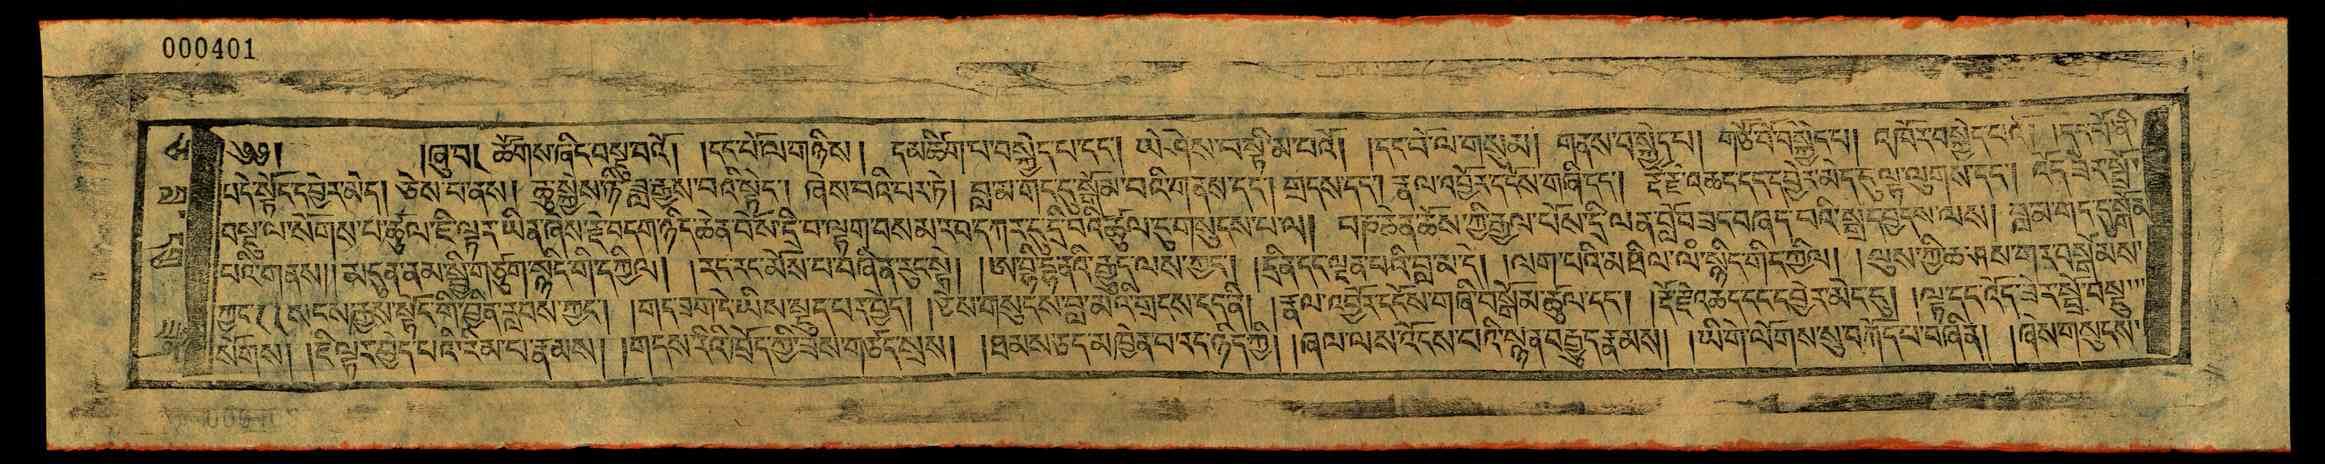༄༅། །ཞུ་བ༑ ཚོགས་ཞིང་བསྡུ་བའོ། །དང་པོ་ལ་གཉིས། དམ་ཚིག་པ་བསྐྱེད་པ་དང་། ཡེ་ཤེས་པ་སྟིམྤའོ། །དང་པོ་ལ་གསུམ། གནས་བསྐྱེད་པ། གཙོ་བོ་བསྐྱེད་པ། འཁོར་བསྐྱེད་པའོ། །དང་པོ་ནི།
བདེ་སྟོང་དབྱེར་མེད། ཅེས་པ་ནས། ཆུ་སྐྱེས་ཉི་ཟླ་རྒྱས་པའི་སྟེང་། ཞེས་པའི་བར་ཏེ། བླ་མ་གང་དུ་སྒོམ་པའི་གནས་དང་། གྲངས་དང་། རྣལ་འབྱོར་དངོས་གཞི་དང་། རྡོ་རྗེ་འཆང་དང་དབྱེར་མེད་དུ་ལྟ་ལུགས་དང་། འོད་ཟེར་སྤྲོ་
བསྡུ་ལ་སོགས་པ་ཚུལ་ཇི་ལྟར་ཡིན་ཞེས་རྗེ་བདག་ཉིད་ཆེན་པོས་དྲི་བ་ལྷག་བསམ་རབ་དཀར་དུ་དྲི་བའི་ཚུལ་དུ་གསུངས་པ་ལ། པཎ་ཆེན་ཆོས་ཀྱི་རྒྱལ་པོས་དྲི་ལན་བློ་བཟང་བཞད་པའི་སྒྲ་དབྱངས་ལས། བླ་མ་གང་དུ་སྒོམ་
པའི་གནས། །མདུན་ནམ་སྤྱི་གཙུག་སྙིང་གི་དཀྱིལ། །རང་རང་མོས་པ་བཞིན་རུང་སྟེ། །ཨ་བྷི་དྷ་ནའི་རྒྱུད་ལས་ཀྱང་། །དྲིན་དང་ལྡན་པའི་བླ་མ་དེ། །ལག་པའི་མཐིལ་ལཾ་སྙིང་གི་དཀྱིལ། །ལུས་ཀྱི་ཆ་ཤས་གར་བསྒོམས་
ཀྱང༑ ༑སངས་རྒྱས་སྟོང་གི་བྱིན་རླབས་ཀྱང་། །གང་ཟག་དེ་ཡིས་སྡུད་པར་བྱེད། །ཅེས་གསུངས་བླ་མའི་གྲངས་དང་ནི། །རྣལ་འབྱོར་དངོས་གཞི་བསྒོམ་ཚུལ་དང་། །རྡོ་རྗེ་འཆང་དང་དབྱེར་མེད་དུ། །ལྟ་དང་འོད་ཟེར་སྤྲོ་བསྡུ་
སོགས། །ཇི་ལྟར་བྱེད་པའི་རིམ་པ་རྣམས། །གངས་རིའི་ཁྲོད་ཀྱི་ཟས་གཙང་སྲས། །ཐམས་ཅད་མཁྱེན་པ་རང་ཉིད་ཀྱི། །ཞལ་ལས་འོངས་པའི་སྙན་བརྒྱུད་རྣམས། །ཡི་གེ་ལོགས་སུ་བཀོད་པ་བཞིན། །ཞེས་གསུངས་